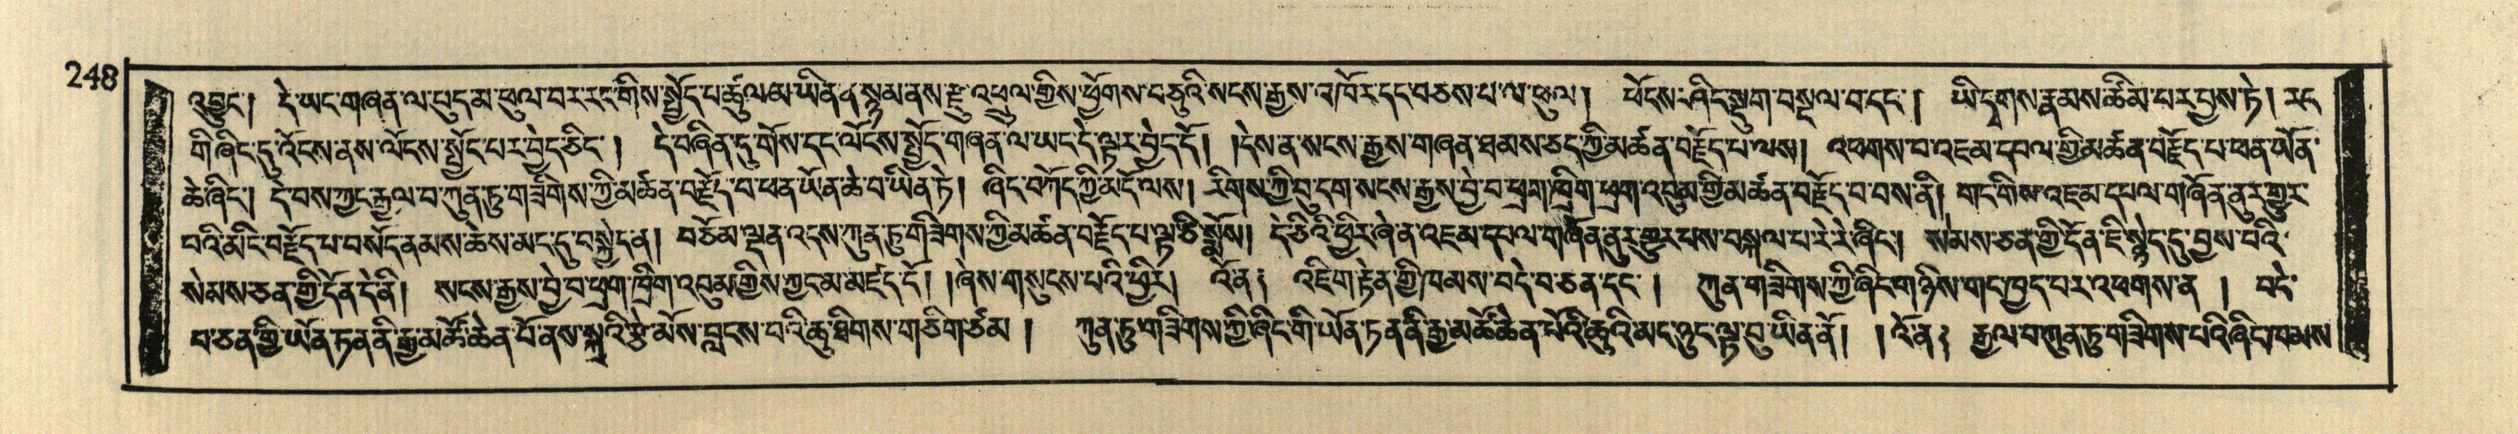འབྱུང་། དེ་ཡང་གཞན་ལ་པུད་མ་ཕུལ་བར་རང་གིས་སྤྱོད་པ་ཚུལ་མ་ཡིན་ན་སྙམ་ནས་རྫུ་འཕྲུལ་གྱིས་ཕྱོགས་བཅུའི་སངས་རྒྱས་འཁོར་དང་བཅས་པ་ལ་ཕུལ། ཕོངས་ཤིང་སྡུག་བསྔལ་བ་དང་། ཡི་དྭགས་རྣམས་ཚིམ་པར་བྱས་ཏེ། རང་
གི་ཞིང་དུ་འོངས་ནས་ལོངས་སྤྱོད་པར་བྱེད་ཅིང་། དེ་བཞིན་དུ་གོས་དང་ལོངས་སྤྱོད་གཞན་ལ་ཡང་དེ་ལྟར་བྱེད་དོ། །དེས་ན་སངས་རྒྱས་གཞན་ཐམས་ཅད་ཀྱི་མཚན་བརྗོད་པ་ལས། འཕགས་བ་འཇམ་དཔལ་གྱི་མཚན་བརྗོད་པ་ཕན་ཡོན་
ཆེ་ཞིང་། དེ་བས་ཀྱང་རྒྱལ་བ་ཀུན་ཏུ་གཟིགས་ཀྱི་མཚན་བརྗོད་བ་ཕན་ཡོན་ཆེ་བ་ཡིན་ཏེ། ཞིང་བཀོད་ཀྱི་མདོ་ལས། རིགས་ཀྱི་བུ་དག་སངས་རྒྱས་བྱེ་བ་ཕྲག་ཁྲིག་ཕྲག་འབུམ་གྱི་མཚན་བརྗོད་བ་བས་ནི། གང་གིས་འཇམ་དཔལ་གཞོན་ནུར་གྱུར་
བའི་མིང་བརྗོད་པ་བསོད་ནམས་ཆེས་མང་དུ་བསྐྱེད་ན། བཅོམ་ལྡན་འདས་ཀུན་ཏུ་གཟིགས་ཀྱི་མཚན་བརྗོད་པ་ལྟ་ཅི་སྨོས། དེ་ཅིའི་ཕྱིར་ཞེ་ན་འཇམ་དཔལ་གཞོན་ནུར་གྱུར་པས་བསྐལ་པ་རེ་རེ་ཞིང་། སེམས་ཅན་གྱི་དོན་ཇི་སྙེད་དུ་བྱས་པའི་
སེམས་ཅན་གྱི་དོན་དེ་ནི། སངས་རྒྱས་བྱེ་བ་ཕྲག་ཁྲིག་འབུམ་གྱིས་ཀྱང་མ་མཛད་དོ། །ཞེས་གསུངས་པའི་ཕྱིར། འོ་ན༑ འཇིག་རྟེན་གྱི་ཁམས་བདེ་བ་ཅན་དང་། ཀུན་གཟིགས་ཀྱི་ཞིང་གཉིས་གང་ཁྱད་པར་འཕགས་ན། བདེ་
བ་ཅན་གྱི་ཡོན་ཏན་ནི་རྒྱ་མཚོ་ཆེན་པོ་ནས་སྐྲའི་རྩེ་མོས་བླངས་པའི་ཆུ་ཐིགས་གཅིག་ཙམ། ཀུན་ཏུ་གཟིགས་ཀྱི་ཞིང་གི་ཡོན་ཏན་ནི་རྒྱ་མཚོ་ཆེན་པོའི་ཆུའི་མང་ཉུང་ལྟ་བུ་ཡིན་ནོ། །འོ་ན༑ རྒྱལ་བཀུར་ཏུ་གཟིགས་པའི་ཞིང་ཁམས་